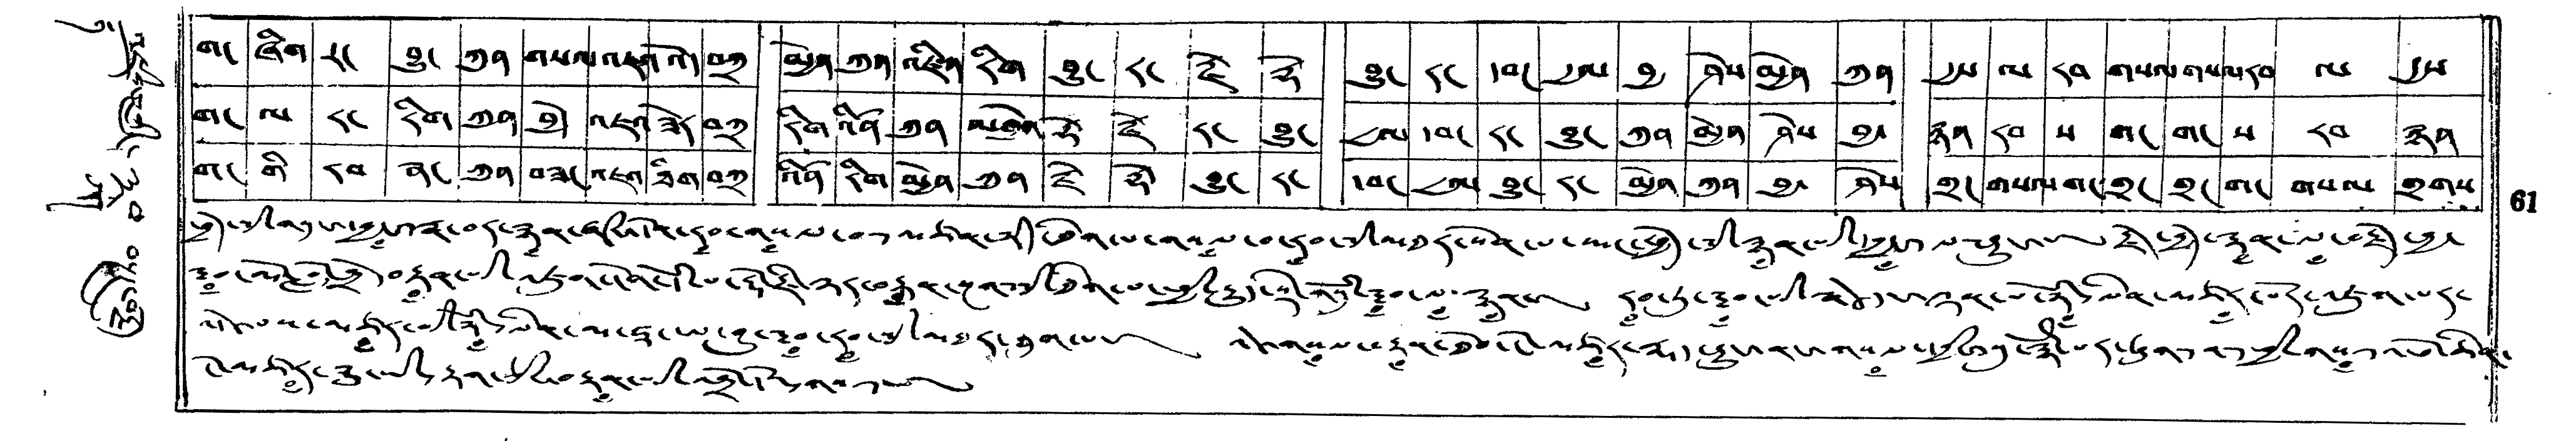་་་་་་་་་་་་་་་་་་་་་་་་་་་་་་་་་་་་་་་་་་་་་་་་་་་་་་་་་་་་་་་་་་་་་་་་་་་་་་་་་་་་་་་་་་་་་་་་་་་་་་་་་་་་་་་་་་་་་་་་་་་་་་་་ཁྱཻད་ཀྱི་གསུང་དབྱངས་རྣ་བར་སྙན་ཞིང་དོན་རབ་གསལ་བས་མཚན་ཉིད་ཐེག་པ་གསལ་བ་རབ་ཀྱི་མཐར་སོན་པ་ཡང་ཁྱེད་ཀྱི་སྙན་པའི་དབྱངས་ལས་བྱུང་། །རྗོད་བྱེད་སྙན་ལ་བརྗོད་བྱ་
ཟབ་མོ་བློ་གྲོས་བརྟན་པའི་འཇུག་ངོགས་དམ་པ་རྡོ་རྗེ་ལྟར་བརྟན་སྔགས་ཀྱི་ཐེག་པ་ཕྱི་རྒྱུད་སྡེ་གསུམ་ཟབ་ལ་སྙན། །རབ་ཏུ་ཟབ་པའི་སྣོད་དང་ལྡན་པ་ཉམས་ལེན་མཚར་པོར་འཇུག་པར་
འདོད་པས་མཚར་བའི་ཉམས་ལེན་མ་ཧཱ་ཨ་ནུ་ཟབ་མོ་རབ་ཀྱི་མཐར་ཐུག་པ། །འོད་གསལ་བརྟན་ཐོབ་ངོ་མཚར་རྨད་བྱུང་ནང་གསལ་དབྱིངས་སུ་སྙོམ་པར་ཞུགས་ནས་ཕྱི་གསལ་འཕོ་ཆེན་
ངོ་མཚར་སྐུ་ཡིས་རྟག་ཅིང་བརྟན་པའི་འགྲོ་དོན་གསལ། །